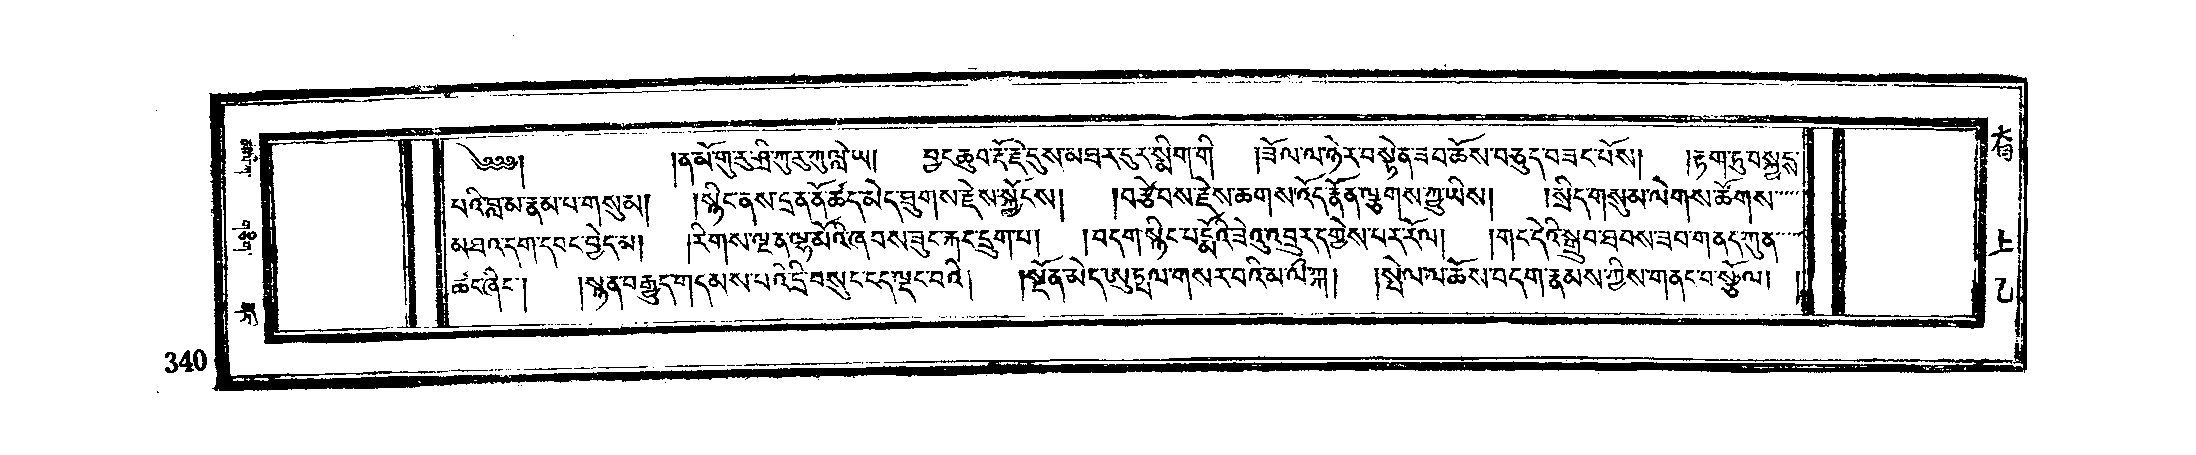༄༅༅། །ན་མོ་གུ་རུ་ཤྲི་ཀུ་རུ་ཀུ་ལླེ་ཡ། བྱང་ཆུབ་རྡོ་རྗེ་དུས་མཐར་ངུར་སྨིག་གི །ཟོལ་ལ་ཉེར་བསྟེན་ཟབ་ཆོས་བཅུད་བཟང་པོས། །རྟག་ཏུ་བསྐྱངས་
པའི་བླ་མ་རྣམ་པ་གསུམ། །སྙིང་ནས་དྲན་ནོ་ཚད་མེད་ཐུགས་རྗེས་སྐྱོངས། །བརྩེ་བས་རྗེས་ཆགས་འོད་རྣོན་ལྕགས་ཀྱུ་ཡིས། །སྲིད་གསུམ་ལེགས་ཚོགས་
མཐའ་དག་དབང་བྱེད་མ། །རིགས་ལྡན་ལྷ་མོའི་ཞབས་ཟུང་རྐང་དྲུག་པ། །བདག་སྙིང་པདམོའི་ཟེའུ་འབྲུར་དགྱེས་པར་རོལ། །གང་དེའི་སྒྲུབ་ཐབས་ཟབ་གནད་ཀུན་
ཚང་ཞིང་། །སྙན་བརྒྱུད་གདམས་པའི་དྲི་བསུང་ངད་ལྡང་བའི། བ།སྔོན་མེད་ཨུཏྤལ་གསར་བའི་མ་ལྀ་ཀྐ། །སྤེལ་ལ་ཆོས་བདག་རྣམས་དབྐྱིས་གནང་བ་སྩོལ།།